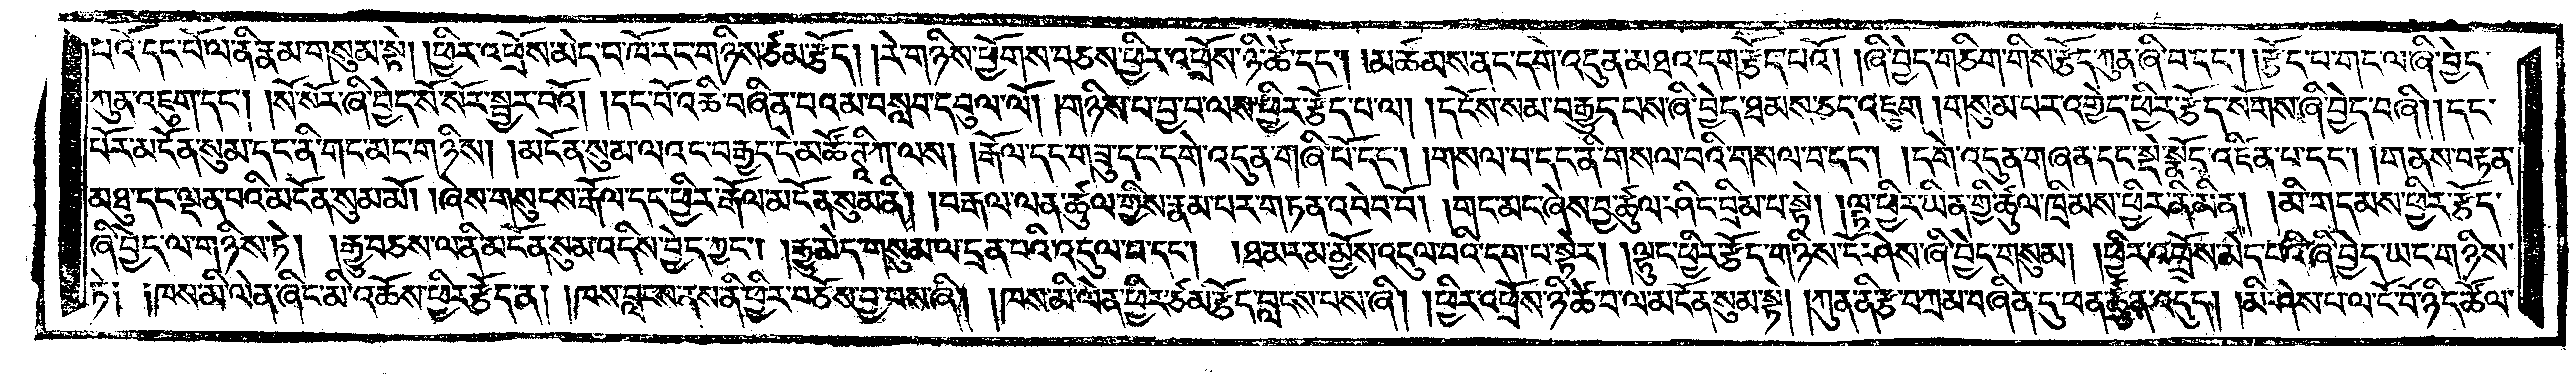བའོ་དང་པོ་ལ་ནི་རྣམ་གསུམ་སྟེ། །ཕྱིར་འཕྲོས་མེད་པ་ཁོ་རང་གཉིས་ཙམ་རྩོད། །རེ་གཉིས་ཕྱོགས་བཅས་ཕྱིར་འཕྲོས་ཉི་ཚེ་དང་། །མཚམས་ནང་དགེ་འདུན་མཐའ་དག་རྩོད་པའོ། །ཞི་བྱེད་གཅིག་གིས་རྩོད་ཀུན་ཞི་བ་དང་། །རྩོད་པ་གང་ལ་ཞི་བྱེད་
ཀུན་འཇུག་དང་། །སོ་སོར་ཞི་བྱེད་སོ་སོར་སྦྱར་བའོ། །དང་པོ་འཆི་བཞིན་པའམ་བསླབ་དབུལ་ལོ། །གཉིས་པ་བྱ་བ་ལས་ཕྱིར་རྩོད་པ་ལ། །དངོས་སམ་བརྒྱུད་པས་ཞི་བྱེད་ཐམས་ཅད་འཇུག །གསུམ་པར་འགྱེད་ཕྱིར་རྩོད་སོགས་ཞི་བྱེད་བཞི། །དང་
པོར་མངོན་སུམ་དང་ནི་གང་མང་གཉིས། །མངོན་སུམ་ལའང་བརྒྱད་དེ་མཚོ་ཊཱིཀ་ལས། །རྒོལ་དང་གཟུ་དང་དགེ་འདུན་གཞི་བོ་དང་། །གསལ་བ་དང་ནི་གསལ་བའི་གསལ་བ་དང་། །དགེ་འདུན་གཞན་དང་སྡེ་སྣོད་འཛིན་པ་དང་། །གནས་བརྟན་
མཐུ་དང་ལྡན་པའི་མངོན་སུམ་མོ། །ཞེས་གསུངས་རྒོལ་དང་ཕྱིར་རྒོལ་མངོན་སུམ་ནི། །བརྒལ་ལན་ཚུལ་གྱིས་རྣམ་པར་གཏན་འབེབ་པོ། །གང་མང་ཞེས་བྱ་ཚུལ་ཤིང་བྲིམ་པ་སྟེ། །ལྟ་ཕྱིར་ཡིན་གྱི་ཚུལ་ཁྲིམས་ཕྱིར་ནི་མིན། །མི་གང་མས་ཕྱིར་རྩོད་
ཞི་བྱེད་ལ་གཉིས་ཏེ། །རྒྱུ་བཅས་ལ་ནི་མངོན་སུམ་འདིས་བྱེད་ཀྱང་། །རྒྱུ་མེད་གསུམ་ལ་དྲན་པའི་འདུལ་བ་དང་། །ཐ་མར་མ་མྱོས་འདུལ་བའི་དག་པ་སྟེར། །ལྟུང་ཕྱིར་རྩོད་གཉིས་དོ་ཤེས་ཞི་བྱེད་གསུམ། །ཕྱིར་འཕྲོས་མེད་པའི་ཞི་བྱེད་ཡང་གཉིས་
ཏེ༑ ༑ཁས་མི་ལེན་ཞིང་མི་འཆོས་ཕྱིར་རྩོད་ན། །ཁས་བླངས་ནས་ནི་ཕྱིར་བཅོས་བྱ་བས་ཞི། །ཁས་མི་ལེན་ཕྱིར་ཙམ་རྩོད་བླངས་པས་ཞི། །ཕྱིར་འཕྲོས་ཉི་ཚེ་བ་ལ་མངོན་སུམ་སྟེ། །ཀུན་ནི་རྩ་བཀྲམ་བཞིན་དུ་ཕན་ཚུན་འདུད། །མི་ཤེས་པ་ལ་ངོ་བོ་ཉིད་ཚོལ་